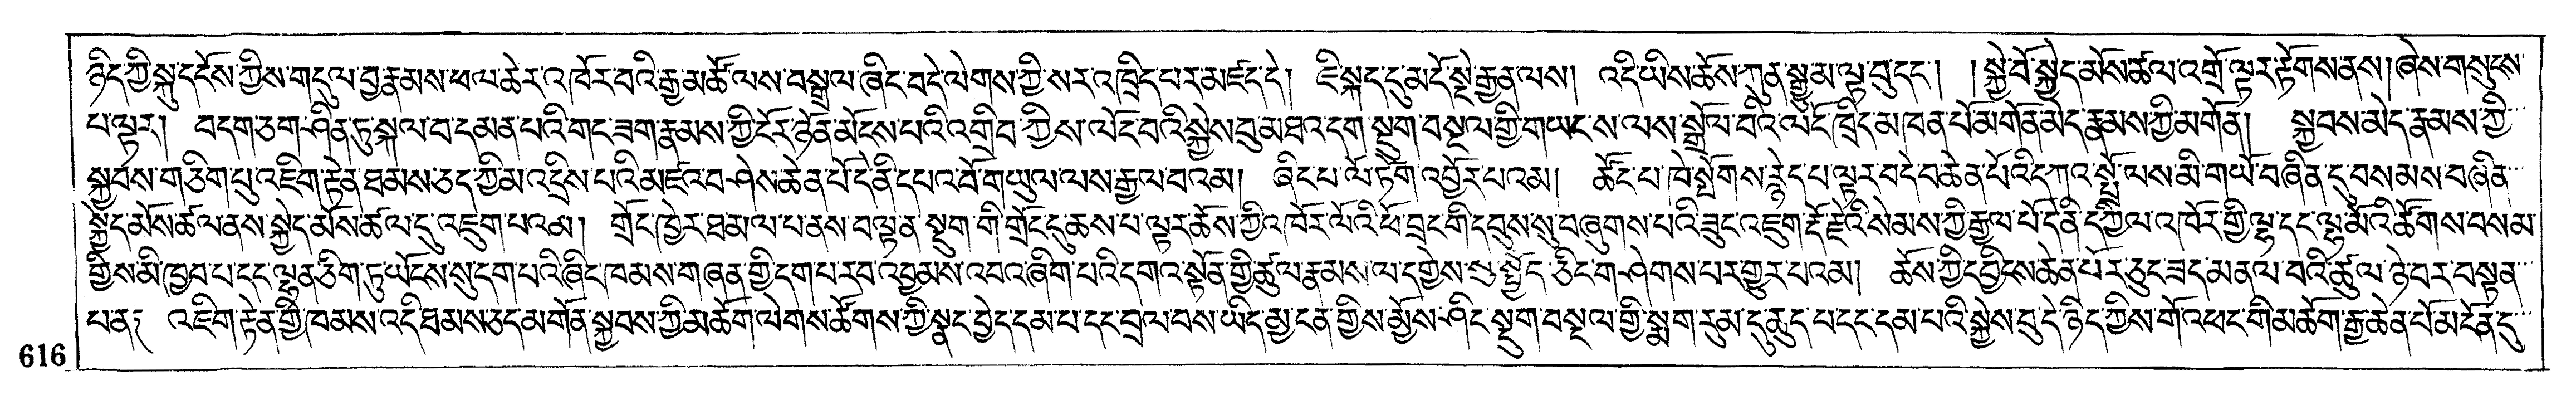ཉིད་ཀྱི་སྐུ་དངོས་ཀྱིས་གདུལ་བྱ་རྣམས་ཕལ་ཆེར་འཁོར་བའི་རྒྱ་མཚོ་ལས་བསྒྲལ་ཞིང་བདེ་ལེགས་ཀྱི་སར་འཁྲིད་པར་མཛད་དེ། ཇི་སྐད་དུ་མདོ་སྡེ་རྒྱན་ལས། འདི་ཡིས་ཆོས་ཀུན་སྒྱུ་མ་ལྟ་བུ་དང་། །སྐྱེ་བོ་སྐྱེད་མོས་ཚལ་འགྲོ་ལྟར་རྟོགས་ནས། ཞེས་གསུངས་
པ་ལྟར། བདག་ཅག་ཤིན་ཏུ་སྐལ་བ་དམན་པའི་གང་ཟག་རྣམས་ཀྱི་ངོར་ཉོན་མོངས་པའི་འགྲིབ་ཀྱིས་ལོང་བའི་སྐྱེས་བུ་མཐའ་དག་སྡུག་བསྔལ་གྱི་གཡང་ས་ལས་སྒྲོལ་པའི་ལོང་ཁྲིད་མཁན་པོ་མགོན་མེད་རྣམས་ཀྱི་མགོན། སྐྱབས་མེད་རྣམས་ཀྱི་
སྐྱབས་གཅིག་པུ་འཇིག་རྟེན་ཐམས་ཅད་ཀྱི་མ་འདྲིས་པའི་མཛའ་བཤེས་ཆེན་པོ་དེ་ནི་དབའ་བོ་གཡུལ་ལས་རྒྱལ་བའམ། ཞིང་པ་ལོ་ཏོག་འབྱོར་པའམ། ཚོང་བ་ཁེ་སྤོགས་རྙེད་པ་ལྟར་བདེ་བ་ཆེན་པོའི་དགའ་སྤྲོ་ལས་མི་གཡོ་བཞིན་དུ་བསམས་བཞིན་
སྐྱེད་མོས་ཚལ་ནས་སྐྱེད་མོས་ཚལ་དུ་འཇུག་པའམ། གྲོང་ཁྱེར་ཐ་མལ་པ་ནས་བ་ལྟན་སྡུག་གི་གྲོང་དུ་ཆས་པ་ལྟར་ཆོས་ཀྱི་འཁོར་ལོའི་ཕོ་བྲང་གི་དབུས་སུ་བཞུགས་པའི་ཟུང་འཇུག་རྡོ་རྗེའི་སེམས་ཀྱི་རྒྱལ་པོ་དེ་ནི་དཀྱིལ་འཁོར་གྱི་ལྷ་དང་ལྷ་མོའི་ཚོགས་བསམ་
གྱིས་མི་ཁྱབ་པ་དང་ལྷན་ཅིག་ཏུ་ཡོངས་སུ་དག་པའི་ཞིང་ཁམས་གཞན་གྱི་དག་པ་རབ་འབྱམས་འབའ་ཞིག་པའི་དགའ་སྟོན་གྱི་ཚུལ་རྣམས་ལ་དགྱེས་རྒུར་སྤྱོད་ཅིང་གཤེགས་པར་གྱུར་པའམ། ཆོས་ཀྱི་དབྱིངས་ཆེན་པོར་ཅུང་ཟད་མནལ་བའི་ཚུལ་ཉེ་བར་བསྟན་
པ་ན༑ འཇིག་རྟེན་གྱི་ཁམས་འདི་ཐམས་ཅད་མགོན་སྐྱོབས་ཀྱི་མཆོག་ལེགས་ཚོགས་ཀྱི་སྣང་བྱེད་དམ་པ་དང་བྲལ་བས་ཡིད་མྱ་ངན་གྱིས་མྱོས་ཤིང་སྡུག་བསྔལ་གྱི་སྨག་རུམ་དུ་ཆུད་པ་དང་དམ་པའི་སྐྱེས་བུ་དེ་ཉིད་ཀྱིས་གོ་འཕང་གི་མཆོག་རྒྱ་ཆེན་པོ་མངོན་དུ་